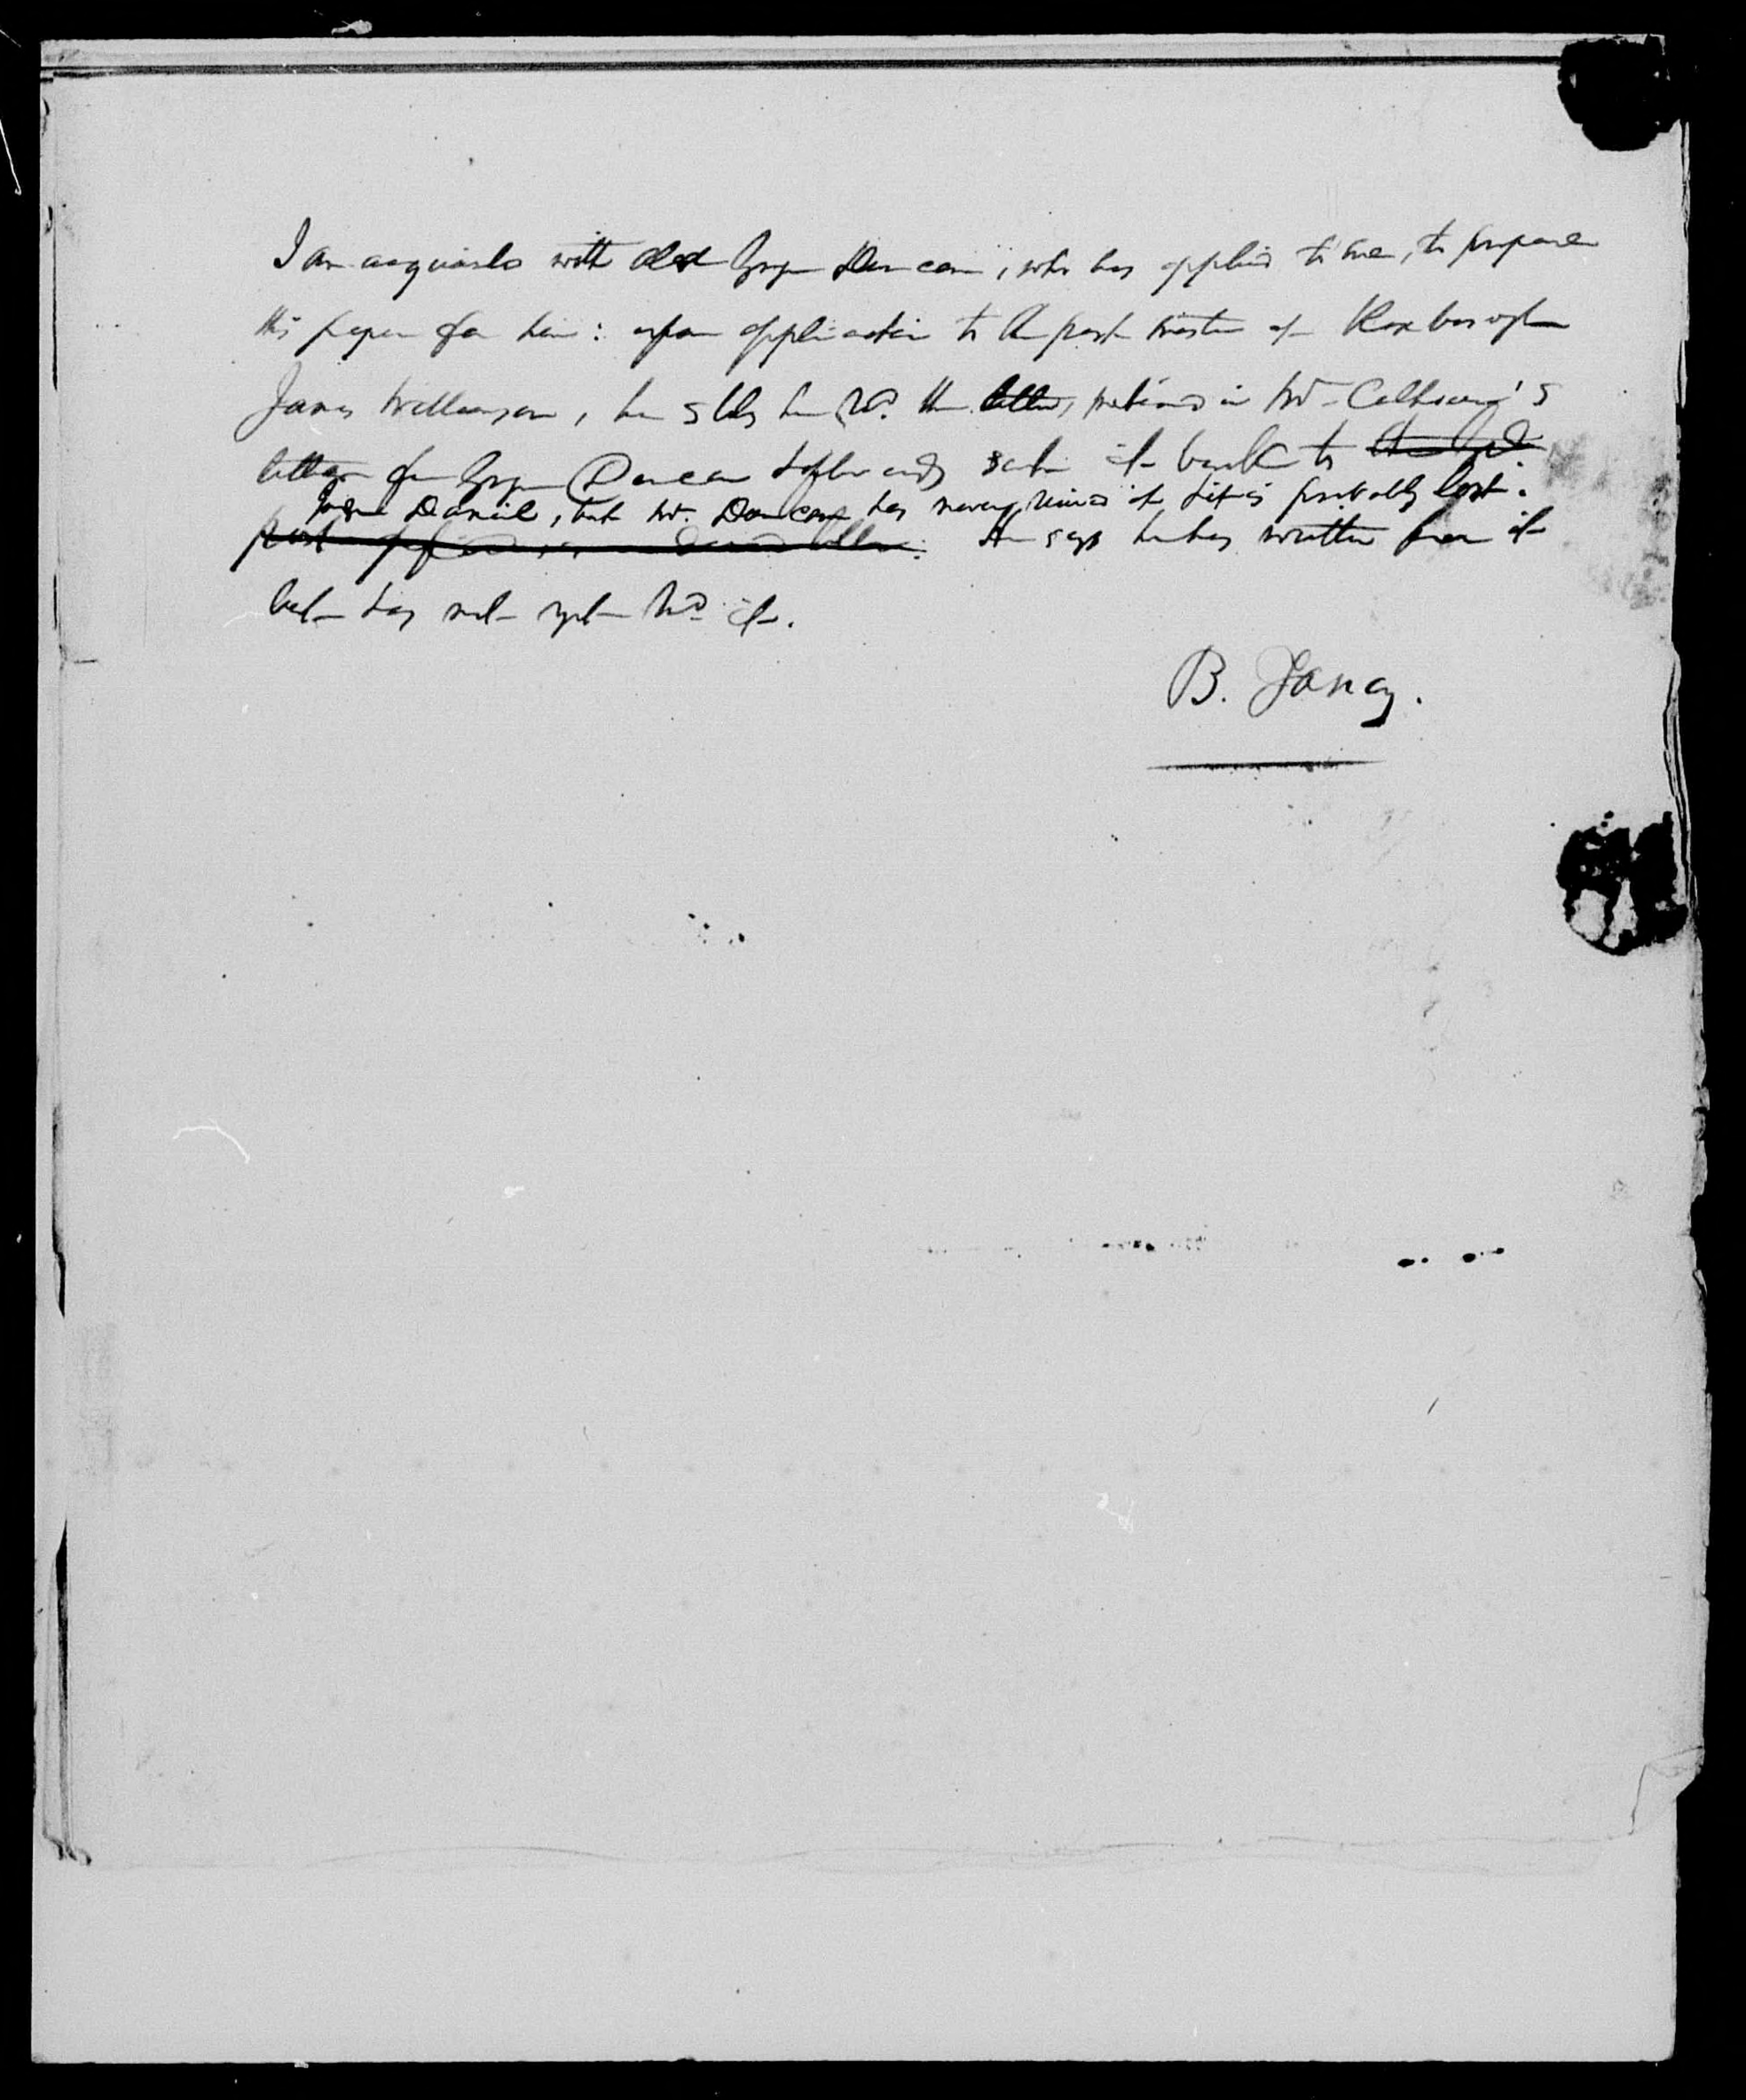I am acquainted with aforesaid George Duncan, who has applied to me, to prepare this paper for him: upon application to the [illegible] [illegible] of Roxborough - James Williamson, he [illegible] [illegible]  [illegible] the letter, [illegible] in Mr. Calhoun's letter for George Duncan [illegible] sent it back to Judge Daniel, but Mr. Duncan has never received and it's probably lost. He says he has written for it but has not yet received it. 
B. Yancy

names: George Duncan, George Duncan, Duncan, James Williamson, Jose Daniel, B Young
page: 8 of 49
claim: survivor's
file: S. 41513, George Duncan, N.C.